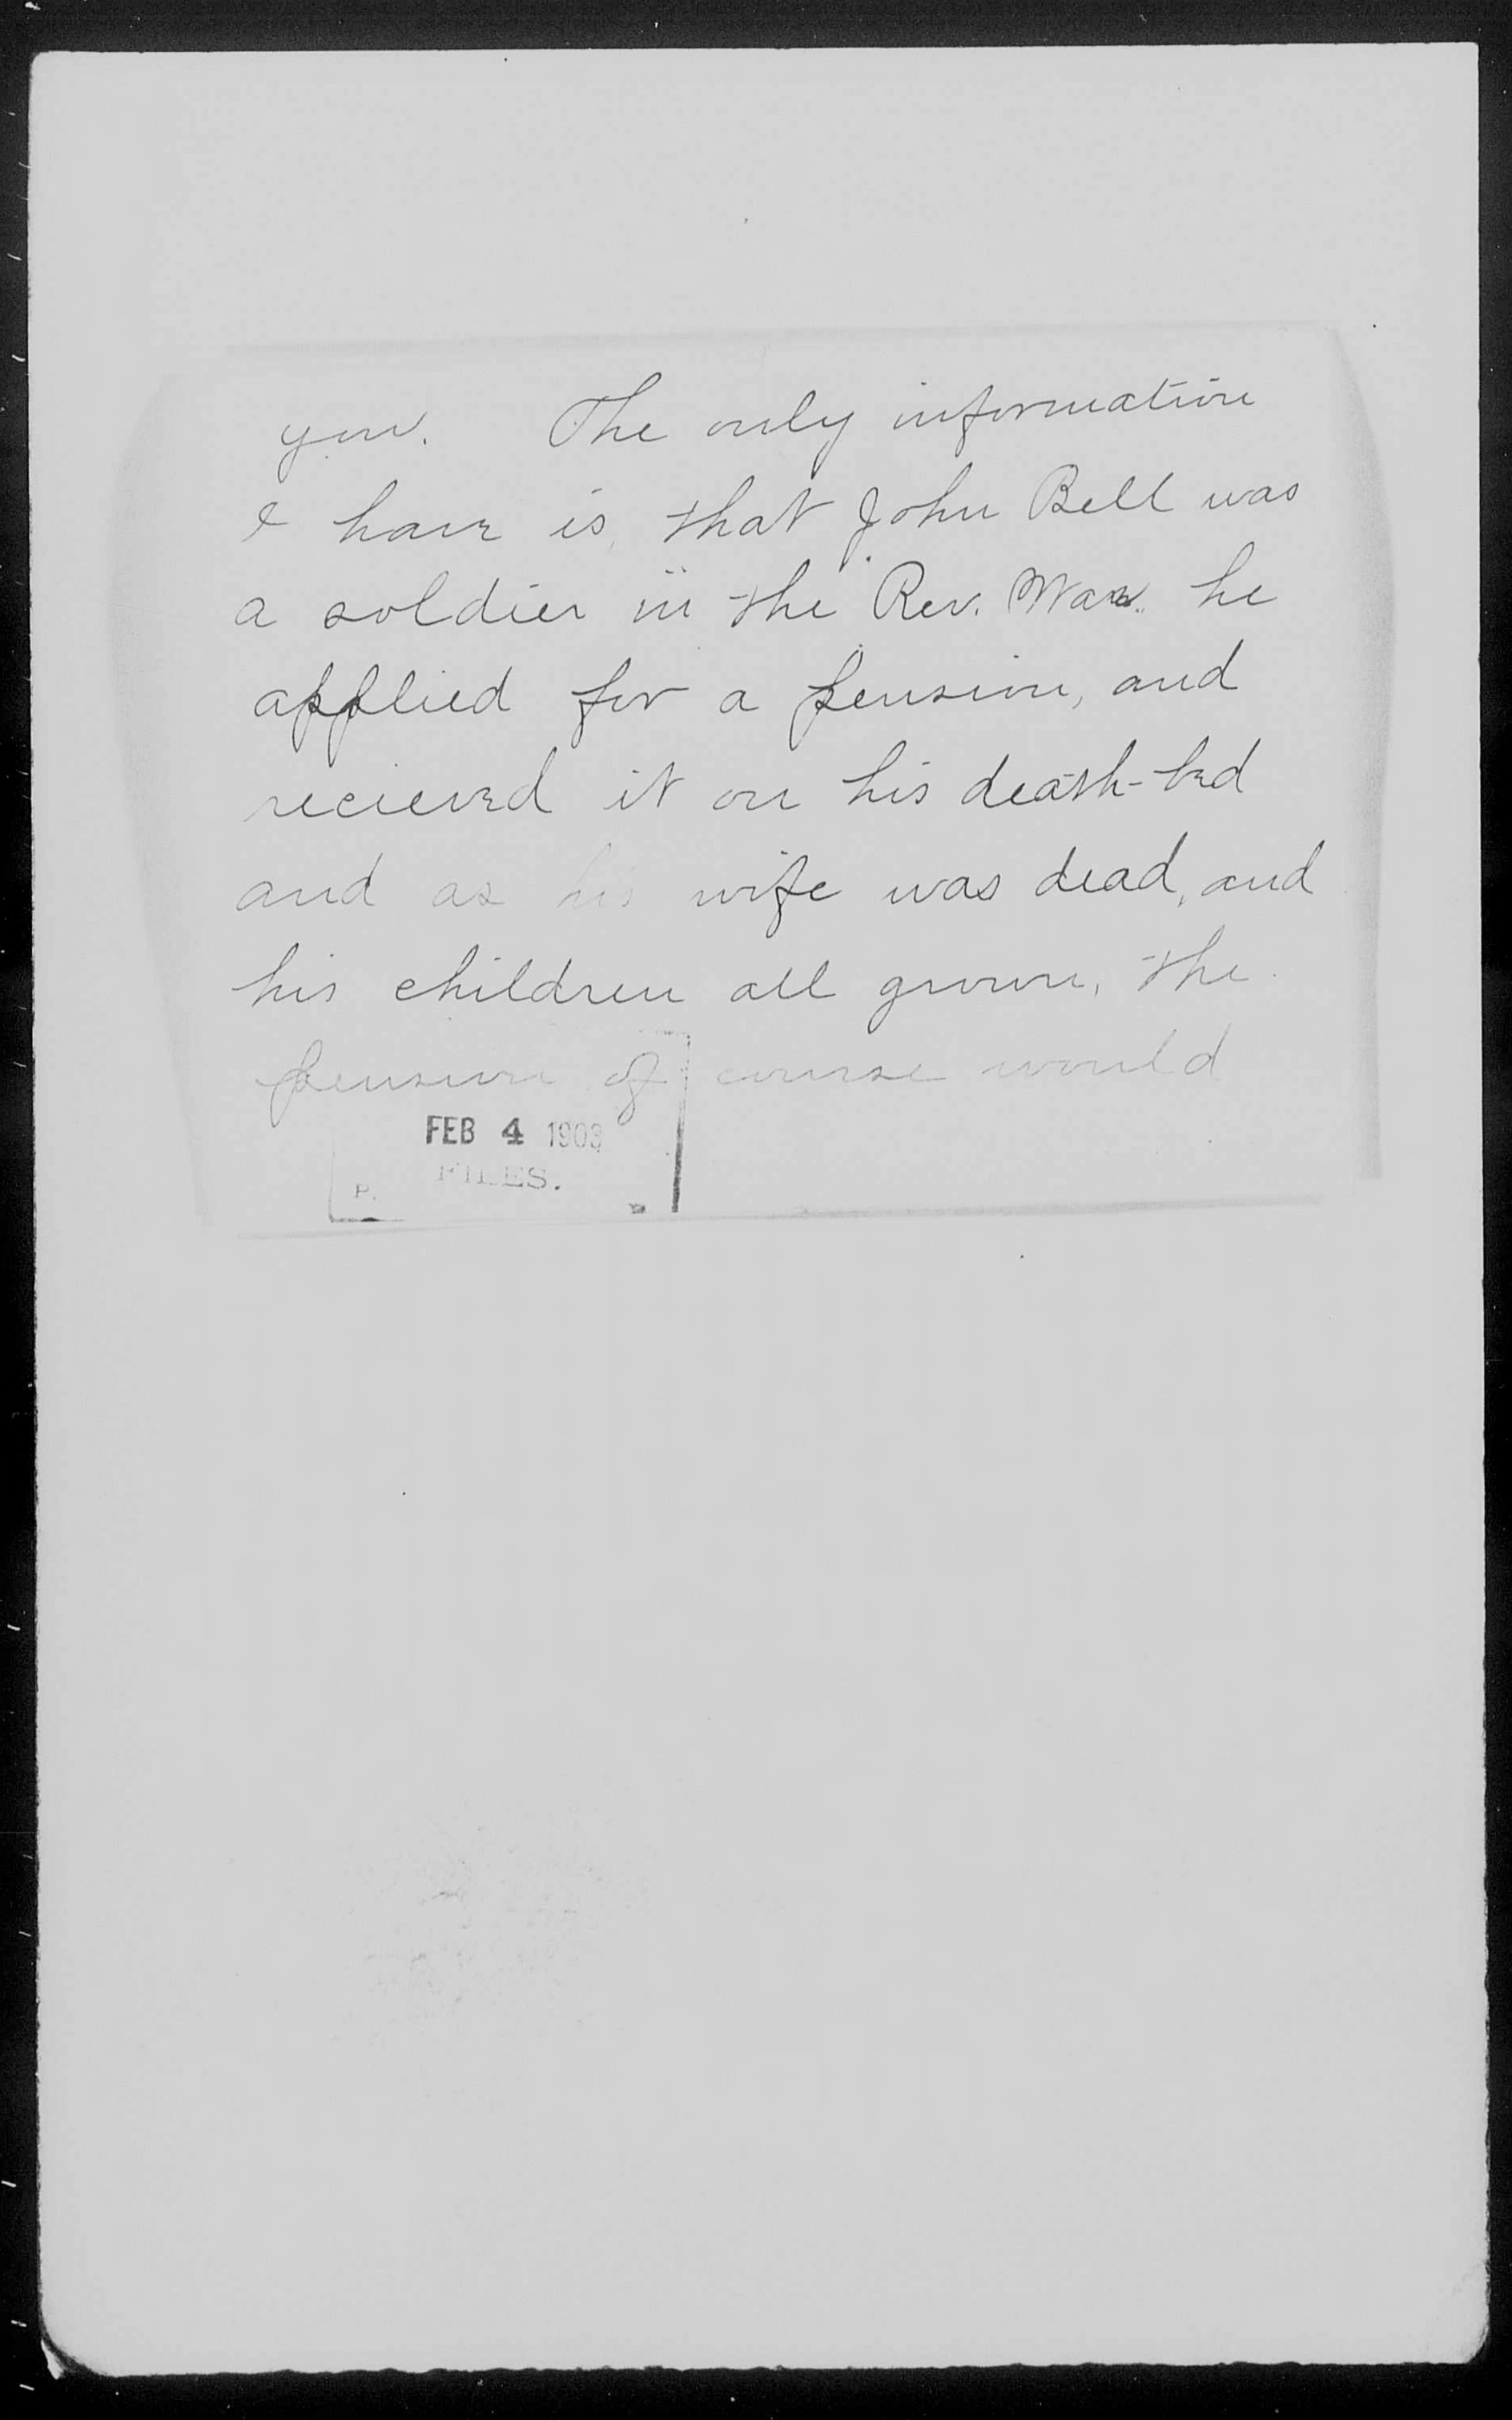( post stamp ) FEB 4 1903  FILES                      
 you. The only information I have is that John Bell was a soldier of the Rev. War, he applied for a pension and received it on his death bed and as his wife was dead, and his children all grown the pension of course would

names: John Bell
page: 21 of 23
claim: survivor's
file: S. 21068, John Bell, Ga. N. C. S. C.